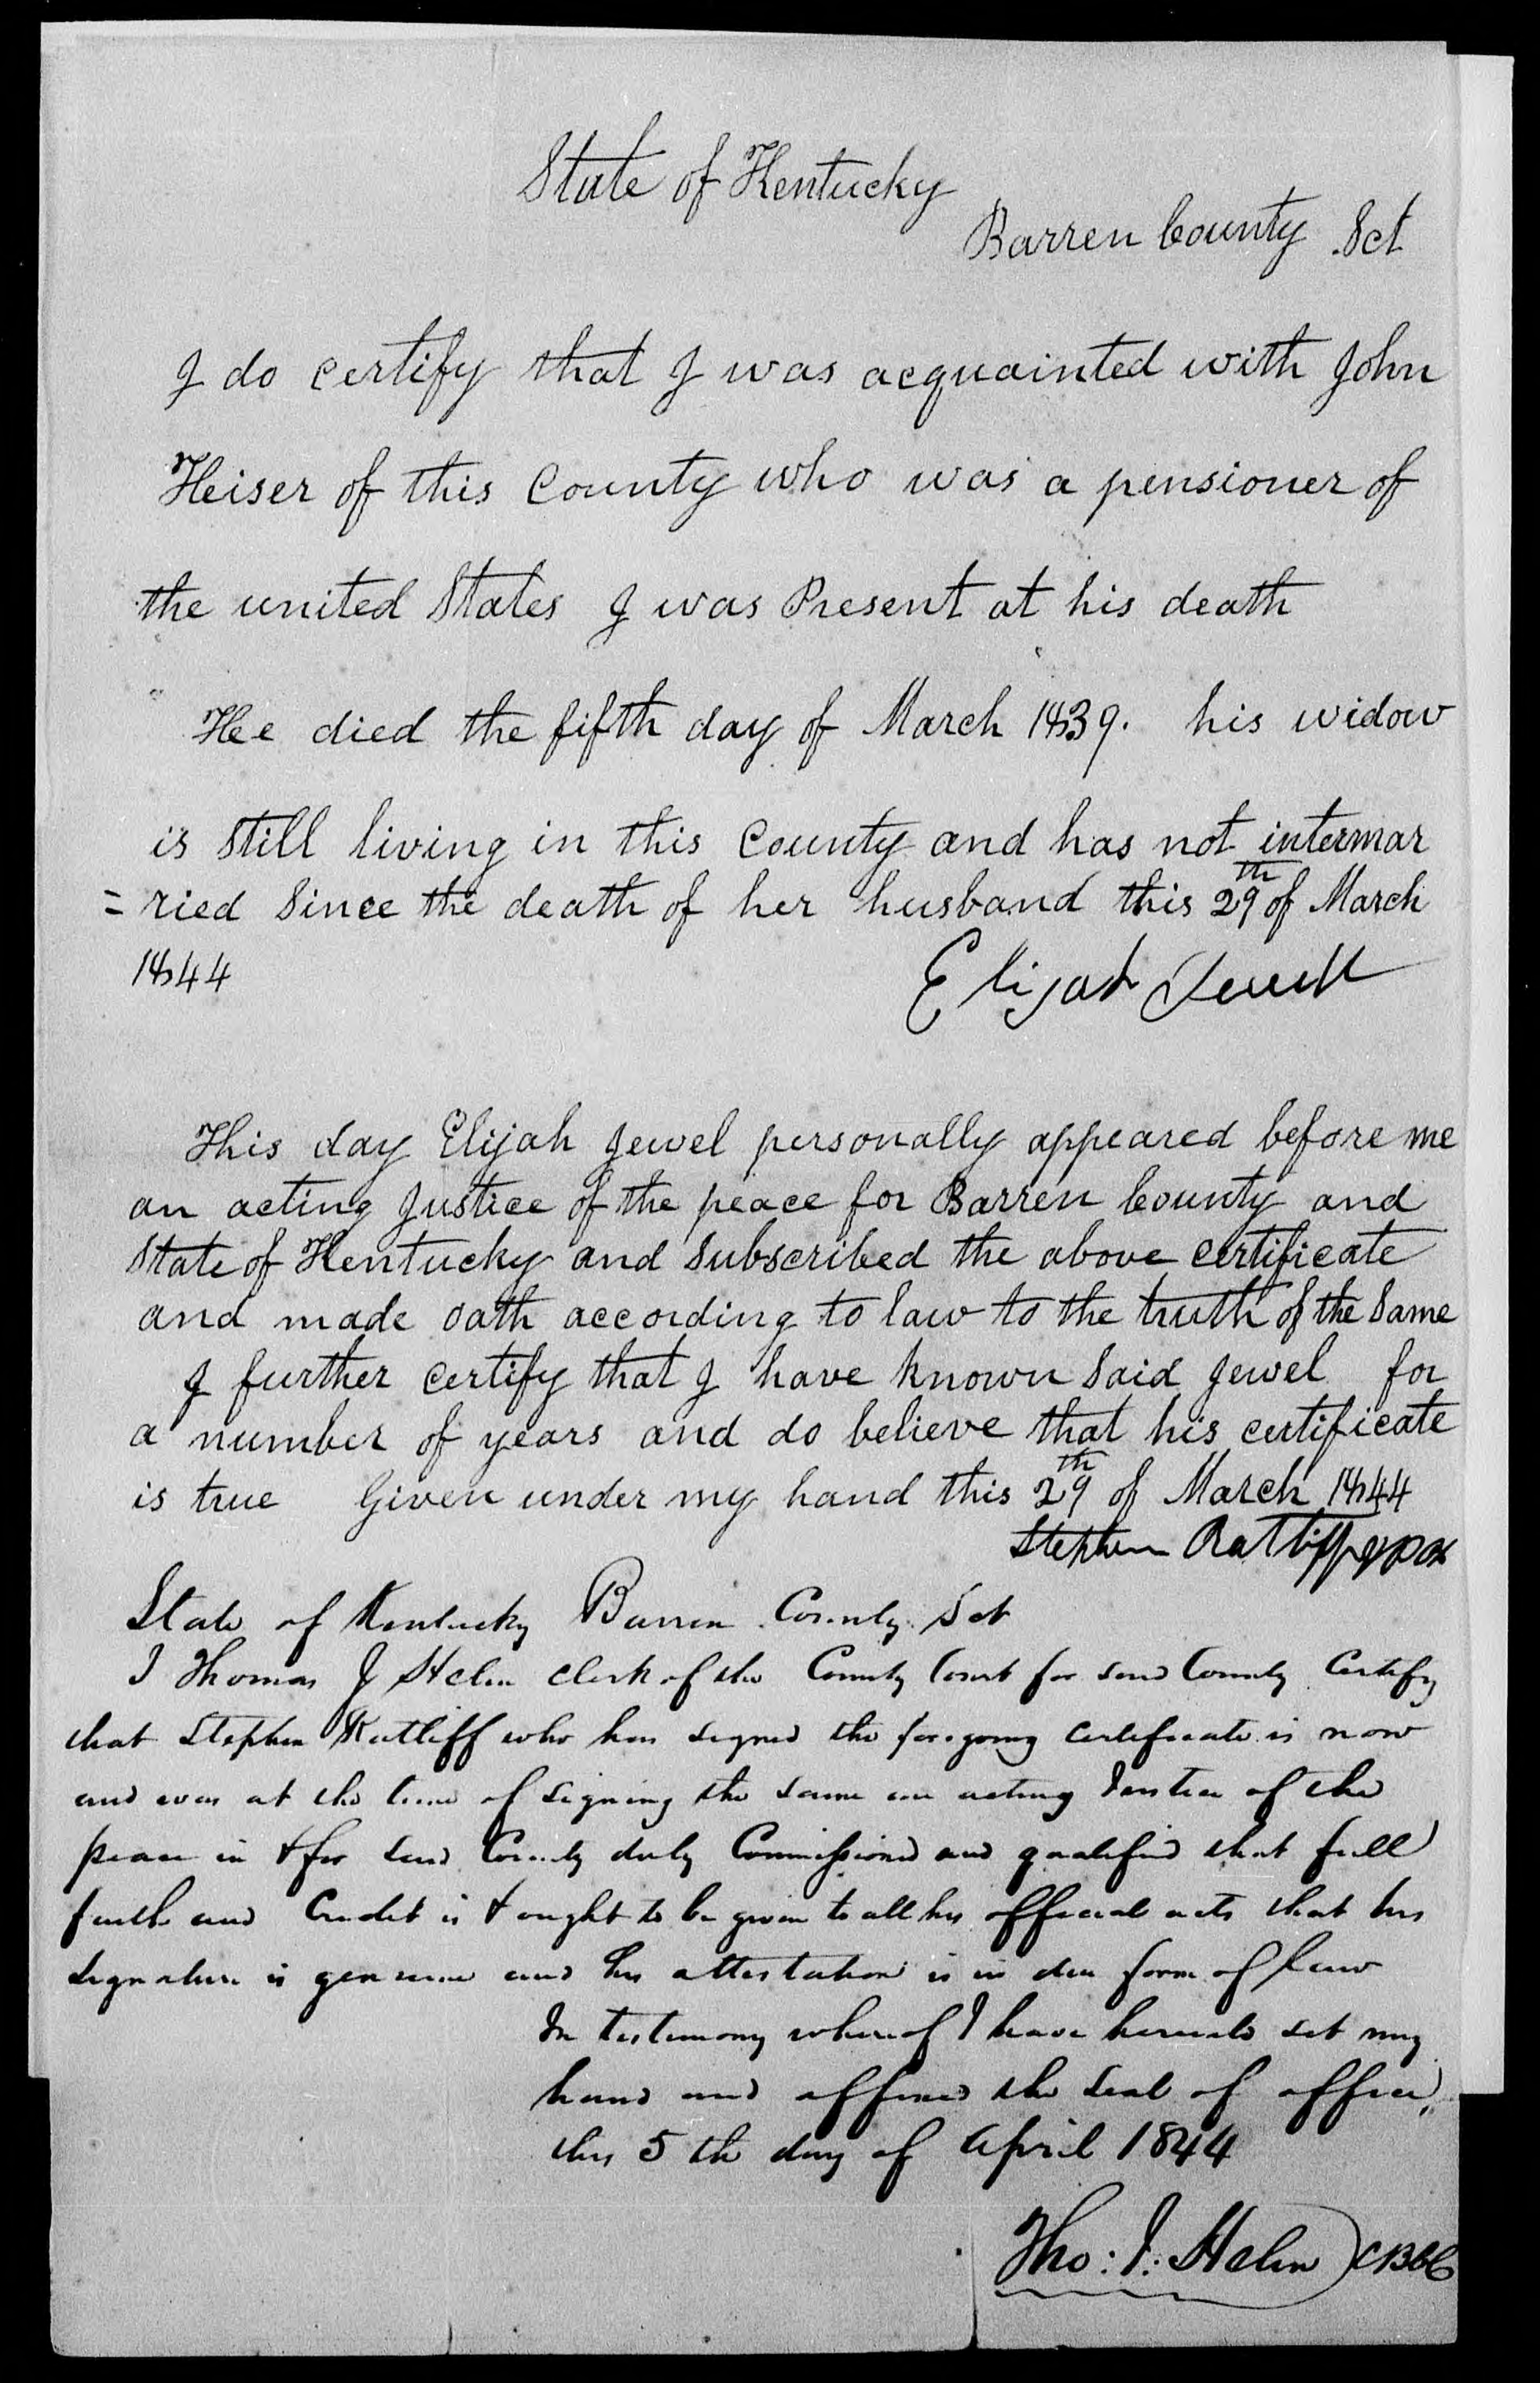State of Kentucky
Barren   County Sct.

I do certify that I was acquainted with John Hiser of this county who was a pensioner of the United Staes I was Present at his death.  He died the fifth day of March 1839.  his widow is still living in this county and has not intermarried Since the death of her husband this 29th of March 1844
                                  Elijah Jewell

This day Elijah Jewel personally appeared before me an acting Justice of the peace for Barren County and State of Kentucky and Subscribed the above certificate and made oath according to law to the truth of the Same

I further certify that I have known Said Jewel for a number of years and do believe that his certificate is true.  Given under my hand this 29th day of March 1844
                                 Stephen Ratliff J P 

State of Kentucky Barren County Sct.

I Thomas J Helm Clerk of the County Court for said County Certify that Stephen Ratliff who has signed the foregoing certificate is now and even at the time of signing the same as acting Justice of the peace in & for said County duly Commissioned and qualified that full faith and credit is & ought to be given to all his official acts that his Signature is genuine and his attestation is in due form of law
In testimony whereof I have hereunto set my hand and affix the Seal of office this 5th day of April 1844
                                Tho. J. Helm  CBC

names: Thomas J Helm, Elijah Jewel, John Heiser, Stephen Ratliff, Tho J Helm, Stephen Ratliff, Elijah Jewell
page: 43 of 58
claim: widow's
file: W. 8932, John Hiser, Penn.